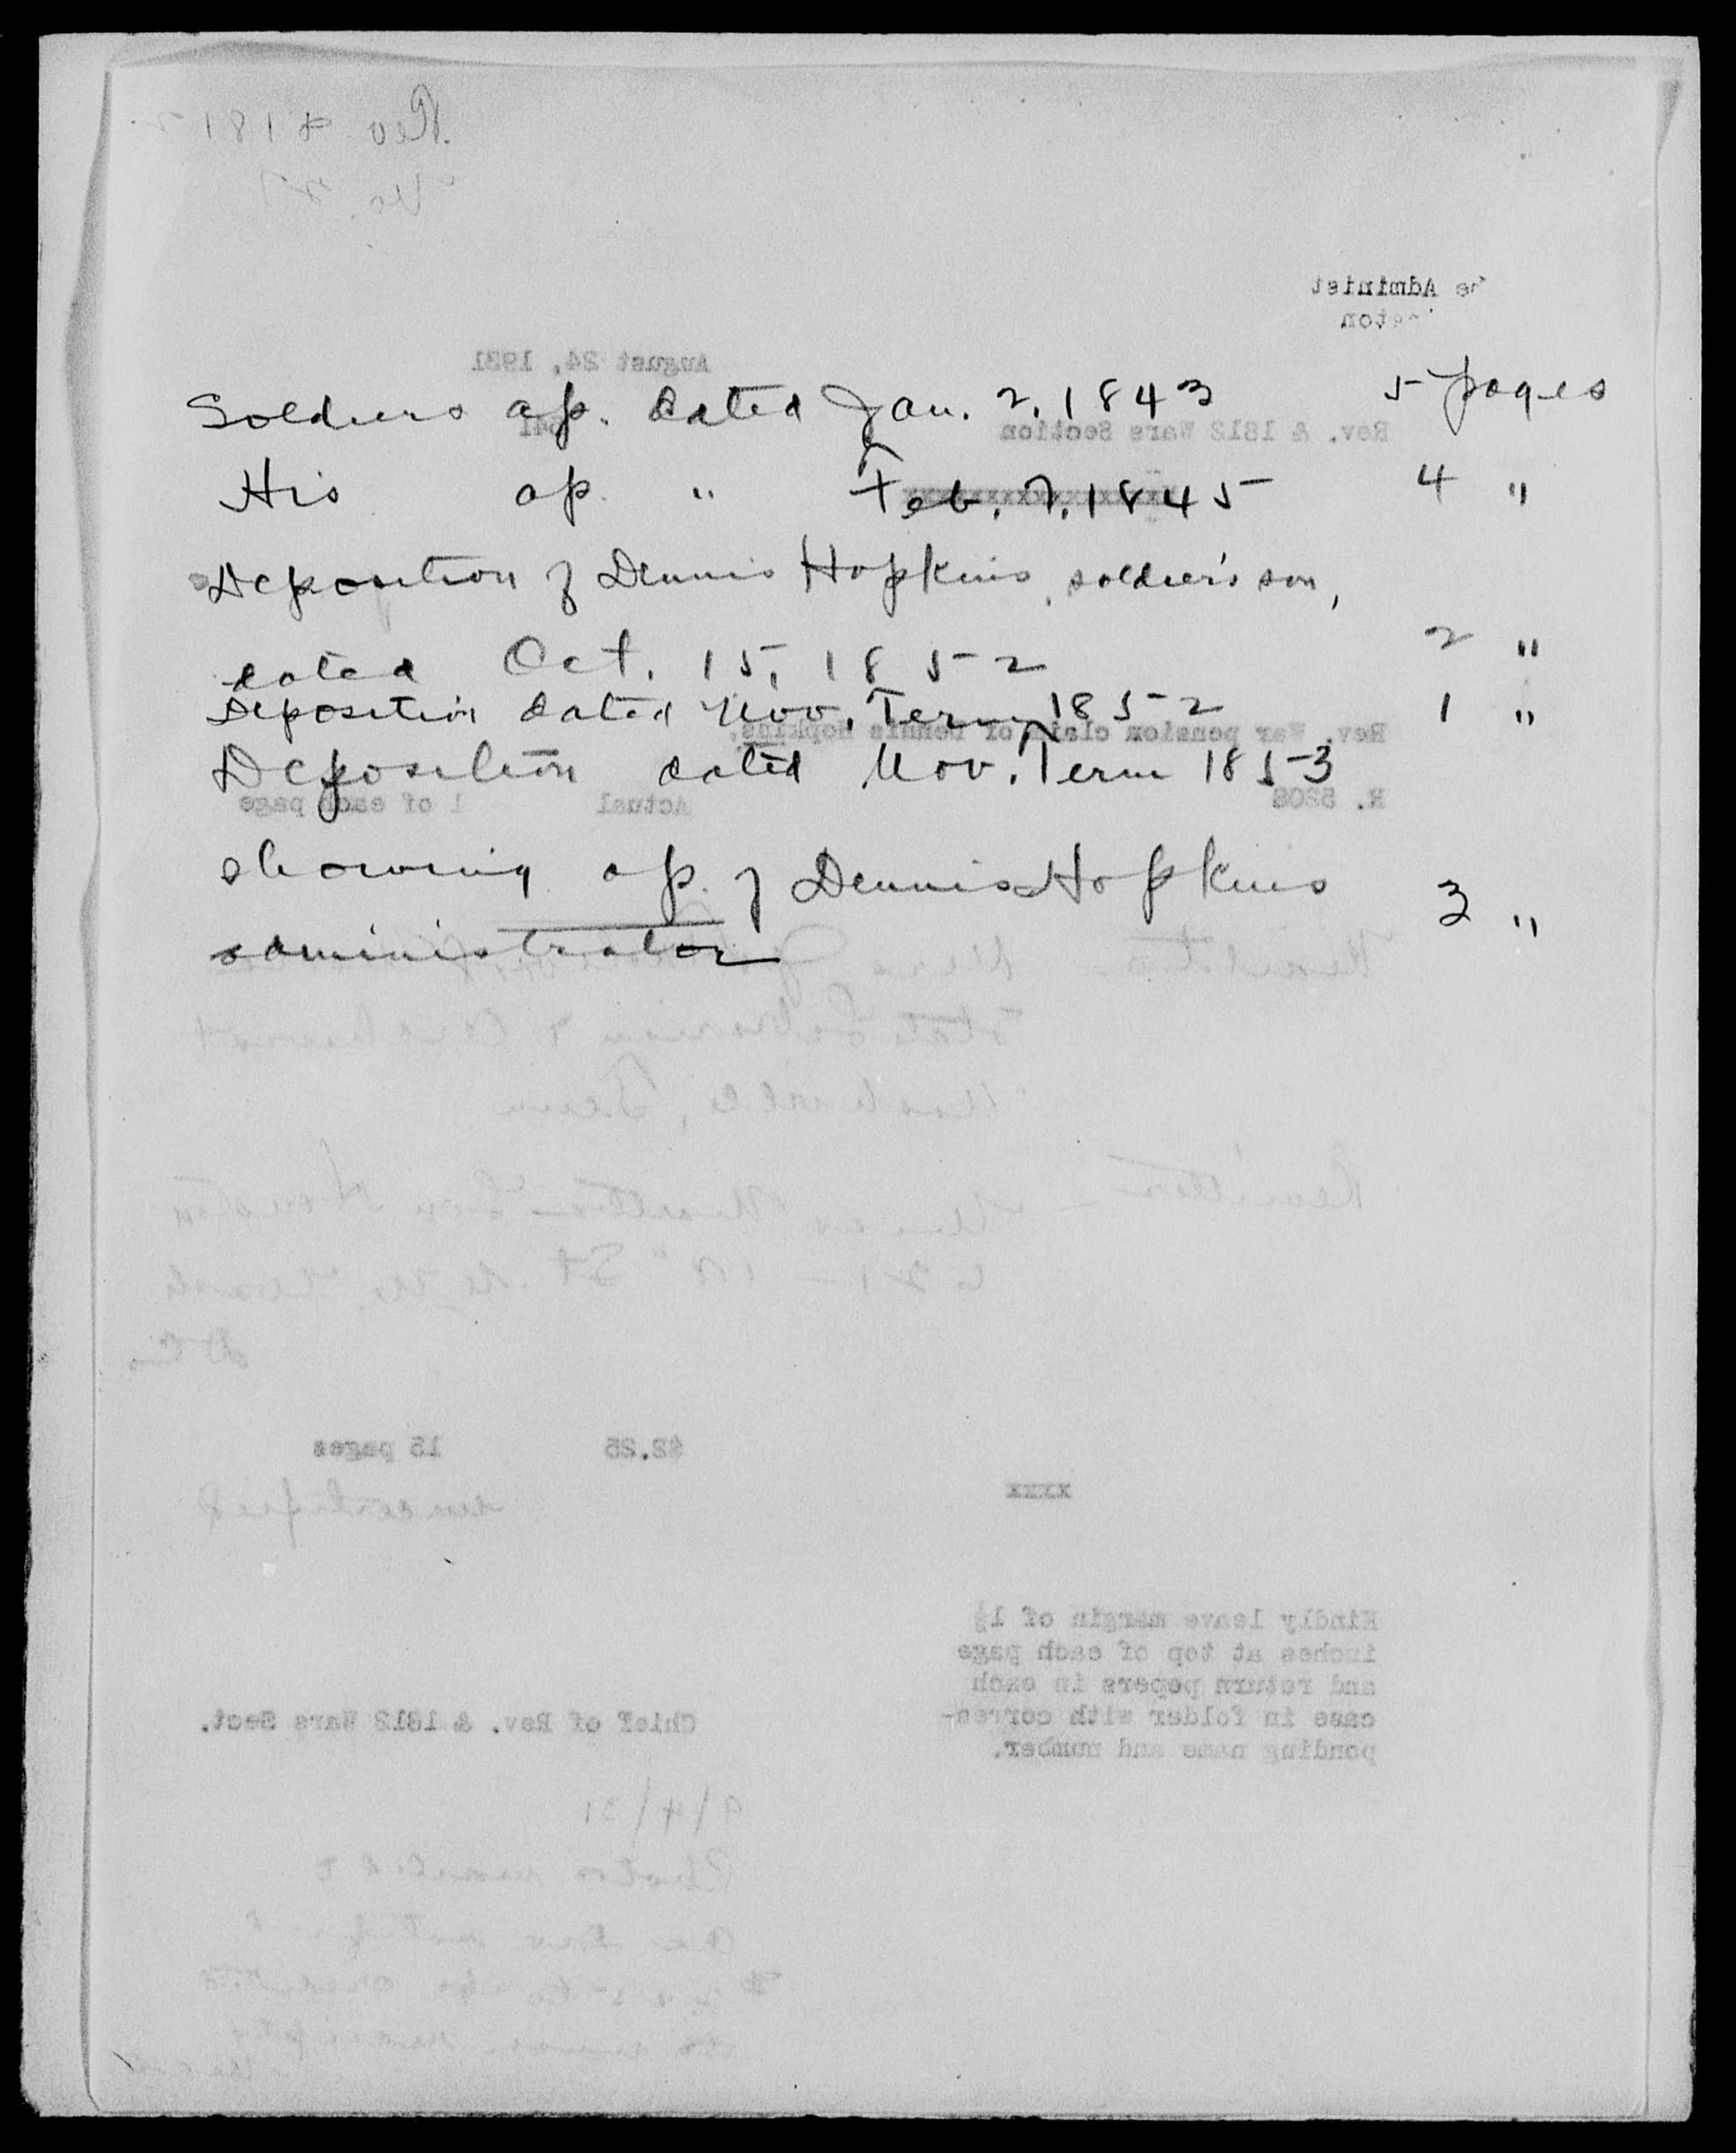Soldiers ap. dated Jan. 2, 1843  5 pages
His ap.  " Feb 7, 1845   4 pages 
Depostion of ennvis Hopkins soldier's son 
dated  Oct. 15, 1852  2 pages 
Deposition dated Nov Term 1813 1 page
showing ap.  of Dennis Hopkins 3 pages 
administrator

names: Dennis Hopkins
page: 58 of 144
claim: rejected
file: R. 5208, Dennis Hopkins, N.C.